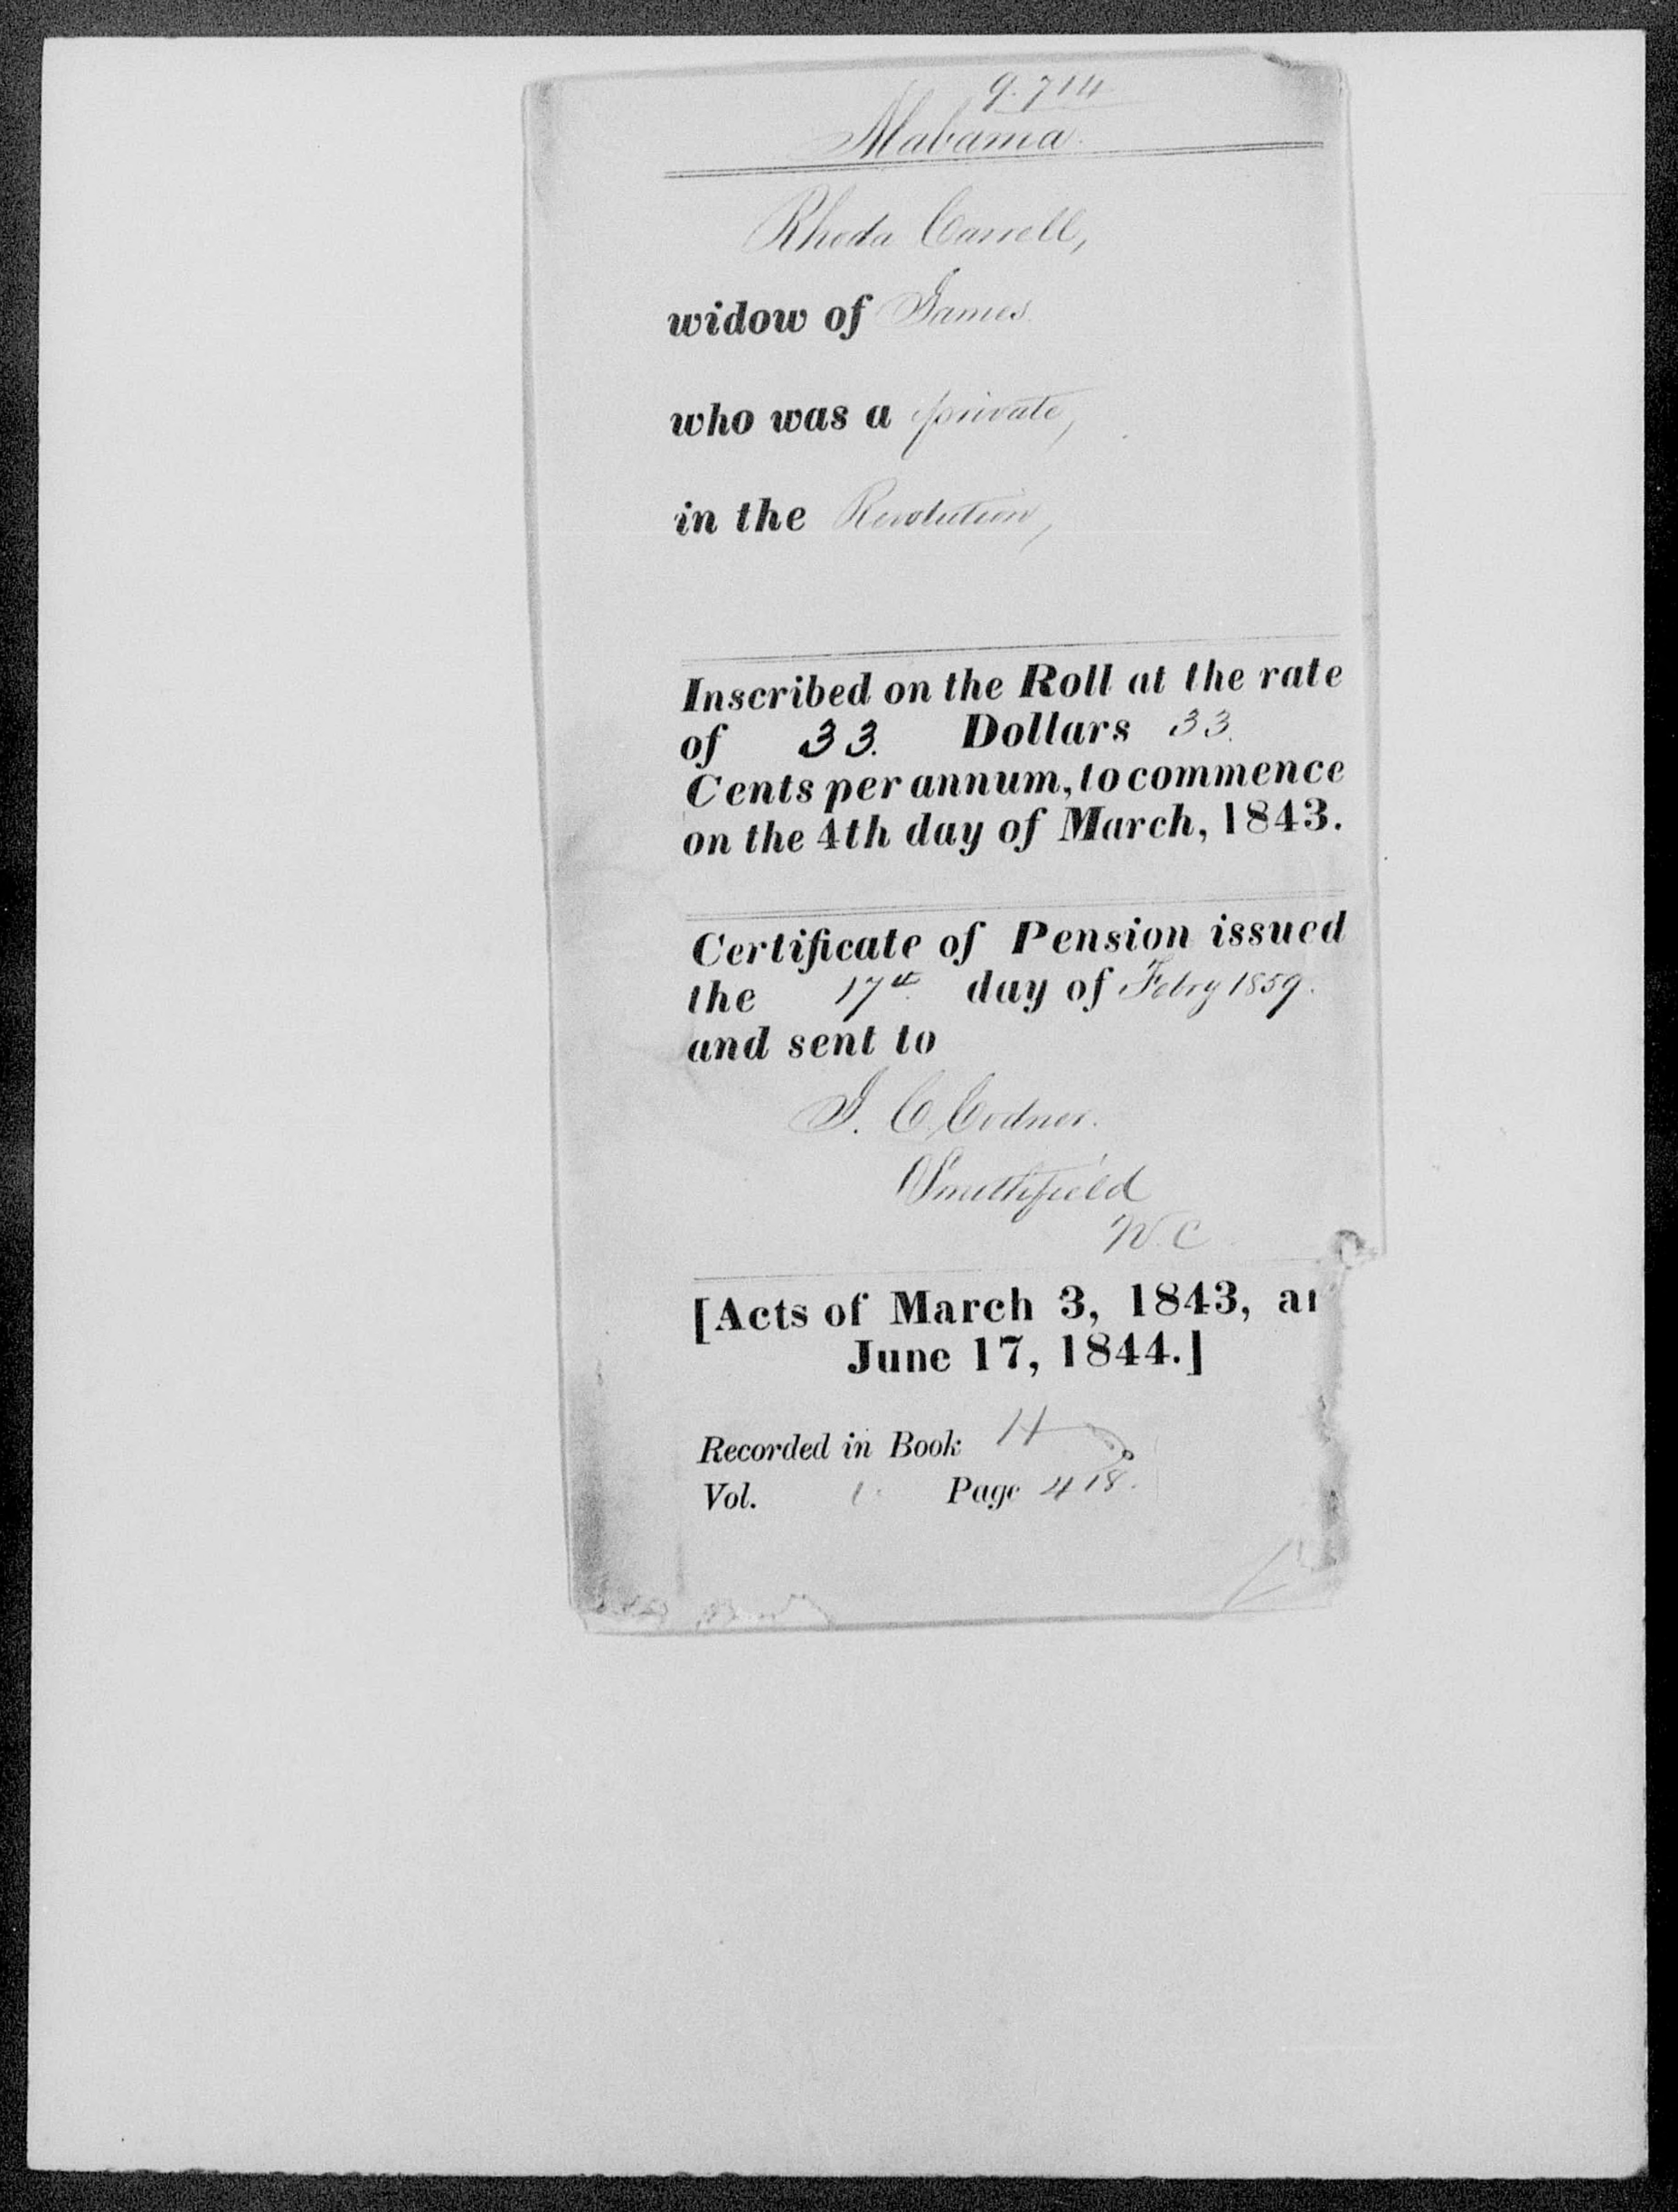9.714
Alabama
Rhoda Carrell,
widow of James
who was a private,
in the Revolution

Inscribed on the Roll at the rate 
of 33 Dollars 33.
Cents per annum, to commence
on the 4th day of March, 1843.

Certificate of Pension issued
the 17th day of Feby 1859
and sent to 
J C Codner
Smithfield N.C.

[Acts of March 3, 1843, and June 17, 1844]

Recorded in Book H
Vo 1 [or 6] Page 418.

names: James Carrell, Rhoda Carrell, J C Codner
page: 7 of 86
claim: widow's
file: W. 6899, James Carrell, N.C.